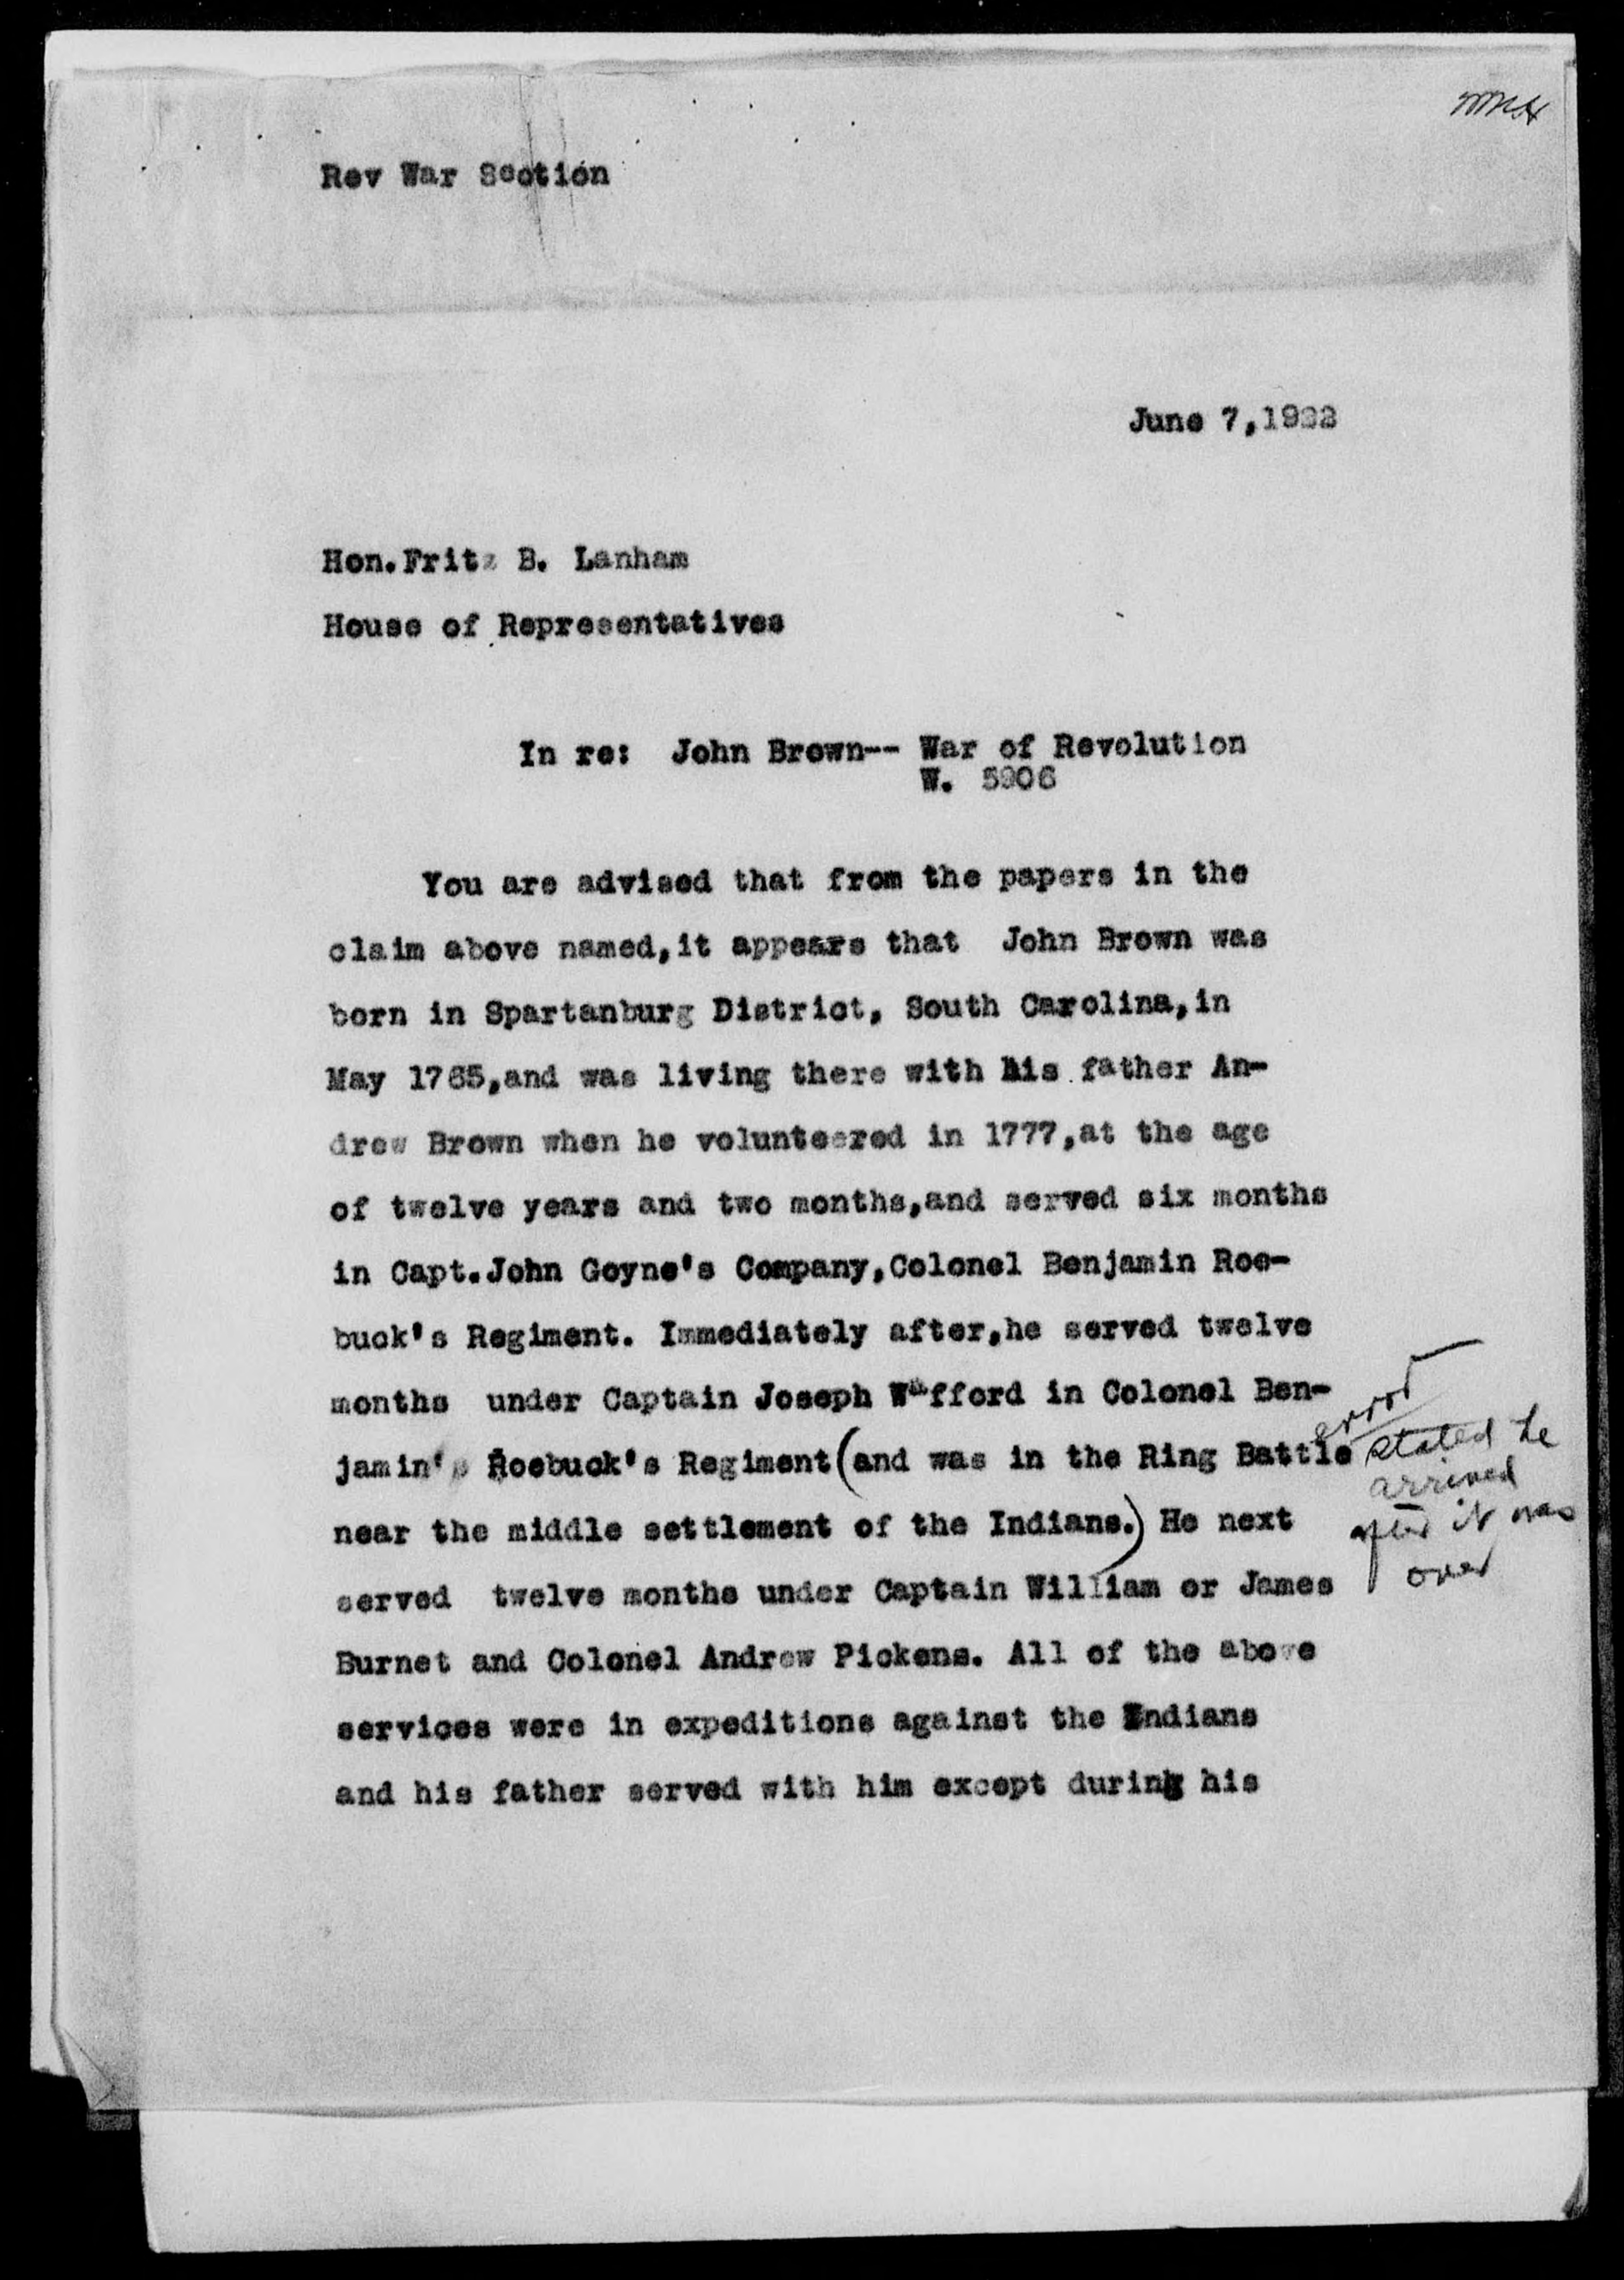Rev War Section
June 7, 1932
Hon. Fritz B. Lanham
House of Representatives

In re: John Brown-- War of Revolution
W. 5906

You are advised that from the papers in the claim above named, it appears that John Brown was born in Spartanburg District, South Carolina, in May 1765, and was living there with his father  Andrew Brown when he volunteered in 1777, at the age
of twelve years and two months, and served six months in Capt John [Coyne] Goyne's Company, Colonel Benjamin  Roebuck's Regiment. Immediately after, he served twelve months under Captain Joseph Wofford in Colonel Benjamin Roebuck's Regiment (and was in the Ring Battle) the near the middle settlement of the Indians. He next 
served twelve months under Captain William or James Burnet and Colonel Andrew Pickens. All of the above services were in expeditions against the Indians and his father served with him except during his

[note: at the parenthesis above there is handwritten note: Error Stated he arrived after it was over]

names: James Burnet, John Brown, Joseph Wafford, John Brown, Andrew Pickens, Andrew Brown, William Burnet, Fritz B Lanham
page: 36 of 85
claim: widow's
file: W. 5,906, John Brown, S.C.